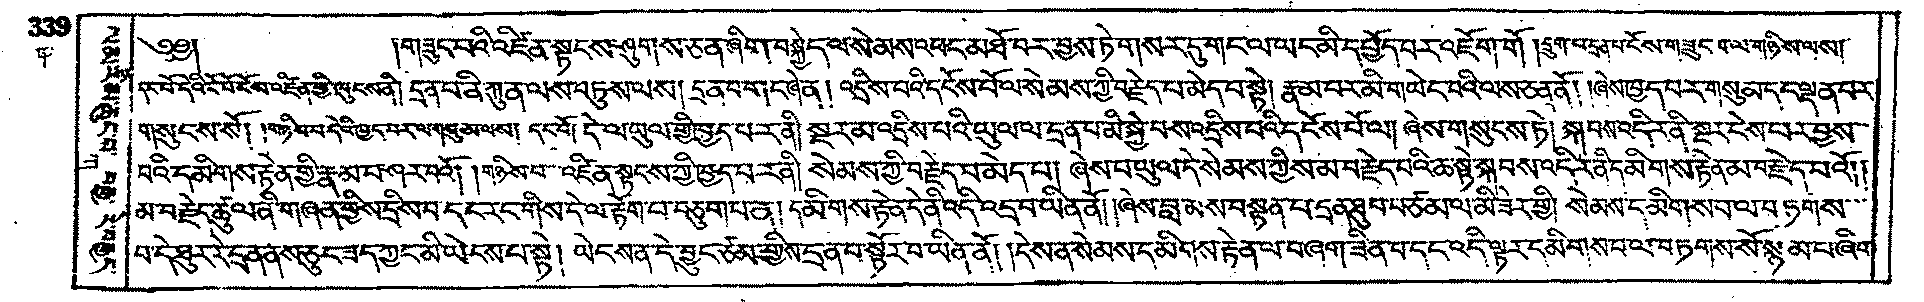༄༅། །གཟུང་བའི་འཛིན་སྟངས་ཤུགས་ཅན་ཞིག་བསྐྱེད་ལ་སེམས་འཕང་མཐོ་བར་བྱས་ཏེ་གསར་དུ་གང་ལ་ཡང་མི་དཔྱོད་པར་འཇོག་གོ། །དྲུག་པ་དྲན་པ་ངོས་གཟུང་བ་ལ་གཉིས་ལས།
དང་པོ་དེའི་ངོ་བོ་ངོས་འཛིན་གྱི་ཁུངས་ནི། དྲན་པ་ནི་ཀུན་ལས་བཏུས་ལས། དྲན་པ་གང་ཞེ་ན། འདྲིས་པའི་དངོས་པོ་ལ་སེམས་ཀྱི་བརྗེད་པ་མེད་པ་སྟེ། རྣམ་པར་མི་གཡེང་བའི་ལས་ཅན་ནོ། །ཞེས་ཁྱད་པར་གསུམ་དང་ལྡན་པར་
གསུངས་སོ། །གཉིས་པ་དེའི་ཁྱད་པར་ལ་གསུམ་ལས། དང་པོ།  དེ་ལ་ཡུལ་གྱི་ཁྱད་པར་ནི། སྔར་མ་འདྲིས་པའི་ཡུལ་ལ་དྲན་པ་མི་སྐྱེ་བས་འདྲིས་པའི་དངོས་པོ་ལ། ཞེས་གསུངས་ཏེ། སྐབས་འདིར་ནི་སྔར་ངེས་པར་བྱས་
བའི་དམིགས་རྟེན་གྱི་རྣམ་པ་ཤར་བའོ། །གཉིས་པའཛིན་སྟངས་ཀྱི་ཁྱད་པར་ནི། སེམས་ཀྱི་བརྗེད་པ་མེད་པ། ཞེས་པ་ཡུལ་དེ་སེམས་ཀྱིས་མ་བརྗེད་པའི་ཆ་སྟེ་སྐབས་འདིར་ནི་དམིགས་རྟེན་མ་བརྗེད་པའོ། །
མ་བརྗེད་ཚུལ་ནི་གཞན་གྱིས་དྲིས་པ་དང་རང་གིས་དེ་ལ་རྟོག་པ་བཅུག་པ་ན། དམིགས་རྟེན་དེ་ནི་འདི་འདྲ་བ་ཡིན་ནོ། །ཞེས་བླ་མས་བསྟན་པ་དྲན་ཐུབ་པ་ཙམ་ལ་མི་ཟེར་གྱི། སེམས་དམིགས་པ་ལ་བཏགས་
པ་དེ་ཐུར་རེ་དྲན་ནས་ཅུང་ཟད་ཀྱང་མི་ཡེངས་པ་སྟེ། ཡེངས་ན་དེ་བྱུང་ཙམ་གྱིས་དྲན་པ་སྟོར་བ་ཡིན་ནོ། །དེས་ན་སེམས་དམིགས་རྟེན་ལ་བཞག་ཟིན་པ་དང་འདི་ལྟར་དམིགས་པ་ལ་བཏགས་སོ་སྙམ་པ་ཞིག་